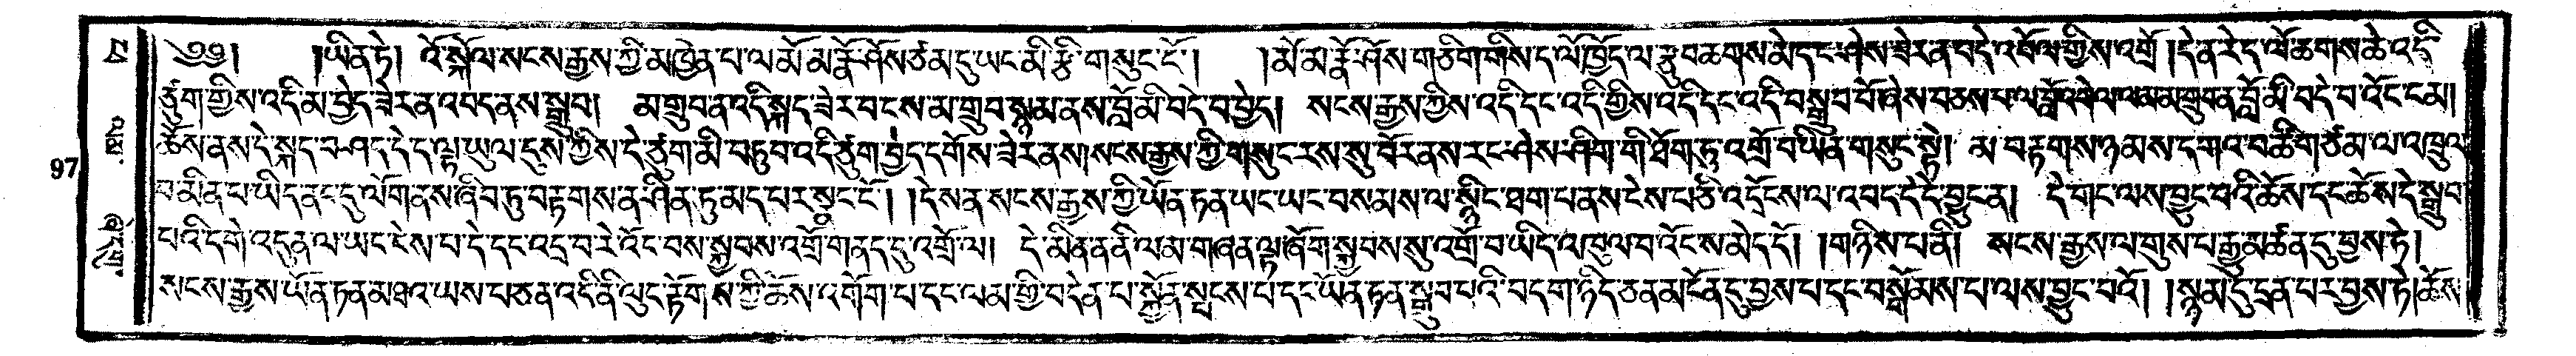༄༅། །ཡིན་ཏེ། འོ་སྐོལ་སངས་རྒྱས་ཀྱི་མཁྱེན་པ་ལ་མོ་མ་རྣོ་ཤོས་ཙམ་དུ་ཡང་མི་རྩི་གསུང་ངོ། །མོ་མ་རྣོ་ཤོས་གཅིག་གིས་ད་ལོ་ཁྱོད་ལ་རྩུབ་ཆགས་མེ་དང་ཤེས་ཟེར་ན་བདེ་འབོལ་གྱིས་འགྲོ་།དེ་ན་རེད་ལོ་ཆགས་ཆེ་འདི་
ཙུག་གྱིས་འདི་མ་བྱེད་ཟེར་ན་འབད་ནས་སྒྲུབ། མ་གྲུབ་ན་འདི་སྐད་ཟེར་བ་ངས་མ་གྲུབ་སྙམ་ནས་བློ་མི་བདེ་པ་བྱེད། སངས་རྒྱས་ཀྱིས་འདི་དང་འདི་གྱིས་འདི་དང་འདི་བསྒྲུབ་པོ་ཞེས་བཅས་པ་ལ་བློ་འགེལ་ལམ་མ་གྲུབ་ན་བློ་མི་བདེ་པ་འོང་ངམ།
ཆོས་ནས་དེ་སྐད་བཤད་དེ་ད་ལྟ་ཡུལ་དུས་ཀྱིས་དེ་ཙུག་མི་བཏུབ་འདི་ཙུག་བྱེད་དགོས་ཟེར་ནས། སངས་རྒྱས་ཀྱི་གསུང་རས་སུ་བོར་ནས་རང་ཤེས་ཤིག་གི་ཐོག་ཏུ་འགྲོ་བ་ཡིན་གསུང་སྟེ། མ་བརྟགས་ཉམས་དགའ་བ་ཚིག་ཙམ་ལ་འཁྲུལ་
བ་མིན་པ་ཡིད་ནང་དུ་ལོག་ནས་ཞིབ་ཏུ་བརྟགས་ན་ཤིན་ཏུ་མད་པར་སྣང་ངོ། །དེས་ན་སངས་རྒྱས་ཀྱི་ཡོན་ཏན་ཡང་ཡང་བསམས་ལ་སྙིང་ཐག་པ་ནས་ངེས་པ་ཅི་འདྲོངས་ལ་འབད་དེ་དེ་བྱུང་ན། དེ་གང་ལས་བྱུང་བའི་ཆོས་དང་ཆོས་དེ་སྒྲུབ་
པའི་དགེ་འདུན་ལ་ཡང་ངེས་པ་དེ་དང་འདྲ་བ་རེ་འོང་བས་སྐྱབས་འགྲོ་གནད་དུ་འགྲོ་ལ། དེ་མིན་ན་ནི་ལམ་གཞན་ལྟ་ཞོག་སྐྱབས་སུ་འགྲོ་བ་ཡིད་འཁུལ་བ་འོང་ས་མེད་དོ། །གཉིས་པ་ནི། སངས་རྒྱས་ལ་གུས་པ་རྒྱུ་མཚན་དུ་བྱས་ཏེ།
སངས་རྒྱས་ཡོན་ཏན་མཐའ་ཡས་པ་ཅན་འདི་ནི་ལུང་རྟོགས་ཀྱི་ཆོས་འགོག་པ་དང་ལམ་གྱི་བདེན་པ་སྐྱོན་སྤང་པ་དང་ཡོན་ཏན་སྒྲུབ་པའི་བདག་ཉིད་ཅན་མངོན་དུ་བྱས་པ་དང་བསྒོམས་པ་ལས་བྱུང་པའོ། །སྙམ་དུ་དྲན་པར་བྱས་ཏེ། ཆོས་